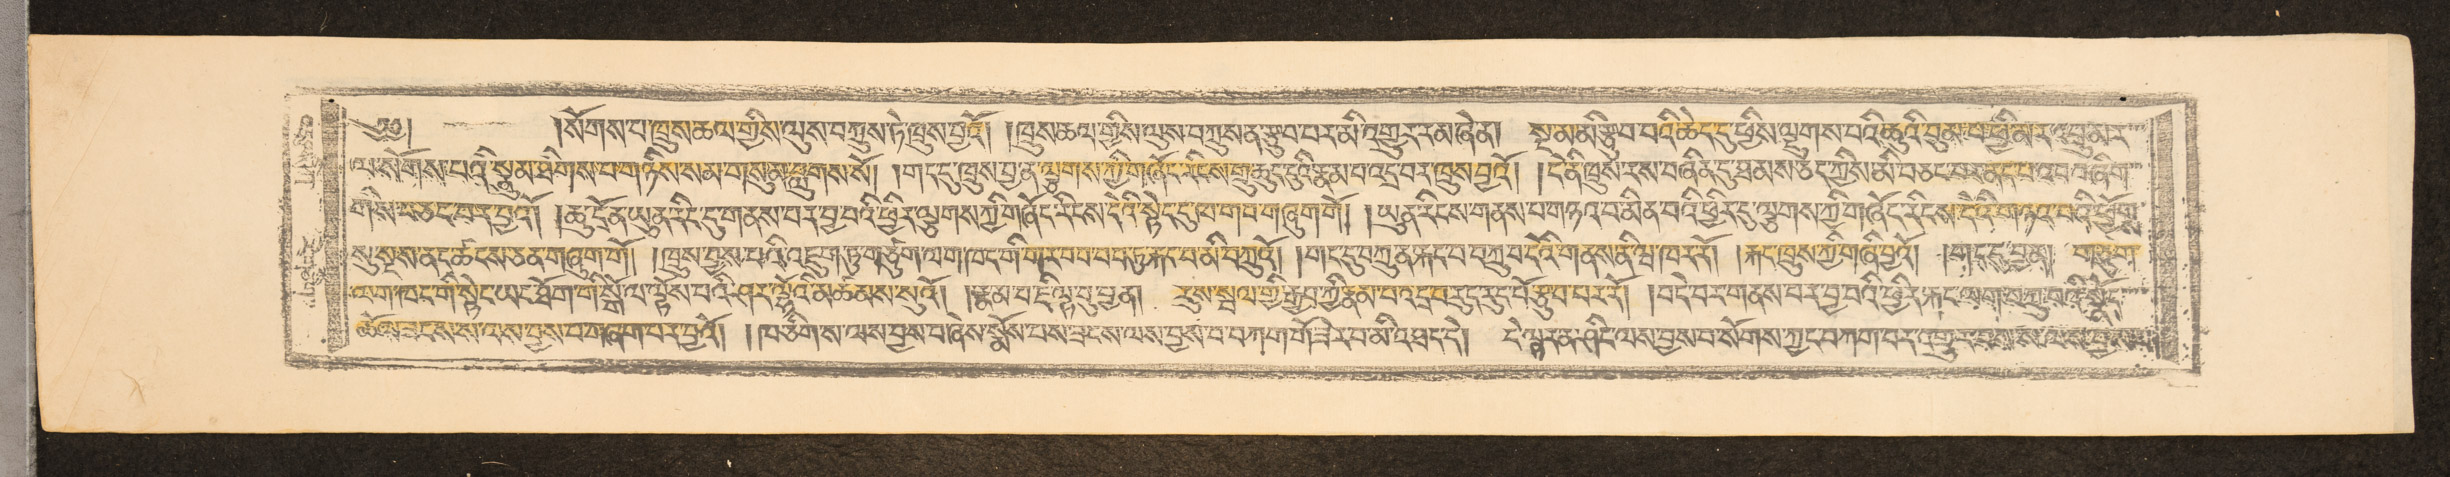༄༅། །སོགས་པ་ཁྲུས་ཆལ་གྱིས་ལུས་བཀྲུས་ཏེ་ཁྲུས་བྱའོ། །ཁྲུས་ཆལ་གྱིས་ལུས་བཀྲུས་ན་རྩུབ་པར་མི་འགྱུར་རམ་ཞེ་ན། སྔ་མ་མི་རྩུབ་པའི་ཆེད་དུ་ཕྱིས་ལྡུགས་པའི་ཆུའི་བུམ་པ་ཕྱི་མར་འབྲུ་མར་
ལ་སོགས་པའི་སྣུམ་ཐིགས་པ་གཉིས་སམ་གསུམ་བླུགས་སོ། །གང་དུ་ཁྲུས་བྱ་ན་ལྕགས་ཀྱི་གཞོང་རིངས་གྲུ་ཆུང་དུའི་རྣམ་པ་འདྲ་བར་ཁྲུས་བྱའོ། །དེ་ནི་ཁྲུས་རས་བཞིན་དུ་ཐམས་ཅད་ཀྱིས་མི་བཅད་པར་ནད་པ་འབའ་ཞིག་
གིས་བཅང་པར་བྱའོ། །ཆུ་དྲོན་ཡུན་རིང་དུ་གནས་པར་བྱ་བའི་ཕྱིར་ལྕགས་ཀྱི་གཞོང་རིངས་དེའི་སྟེང་དུ་ཁ་གབ་གཞུག་གོ། །ཡུན་རིངས་གནས་པ་གཉའ་བ་མིན་པའི་ཕྱིར་དུ་ལྕགས་ཀྱི་གཞོང་རིངས་དེའི་གཉའ་བའི་ཕྱོགས་
སུ་སྔས་ནད་ཚངས་ཅན་གཞུག་གོ། །ཁྲུས་བྱས་པའི་འཇུག་ཏུ་གཙུག་ལག་ཁང་གི་གར་བབ་བབ་ཏུ་རྐང་པ་མི་བཀྲུའོ། །གང་དུ་བཀྲུ་ན་རྐང་པ་བཀྲུ་བ་དེའི་གནས་ནི་ཝ་ཁར་རོ། །རྐང་ཁྲུས་ཀྱི་གཞི་བྱའོ། །གང་དུ་བྱ་ན། གཙུག་
ལག་ཁང་གི་སྟེང་ཡང་ཐོག་གི་སྒོ་ལ་ལྟོས་པའི་ཤར་ལྷོའི་མཚམས་སུའོ། །རྣམ་པ་ཇི་ལྟ་བུ་བྱ་ན། རུས་སྦལ་གྱི་རྒྱབ་ཀྱི་རྣམ་པ་འདྲ་བ་རུང་རུང་པོ་རྩུབ་པར་རོ། །བདེ་བར་གནས་པར་བྱ་བའི་ཕྱིར་རྐང་ལག་བཀྲུ་བའི་སྣོད་
ཆོལ་ཟངས་ས་ལས་བྱས་པ་གཞག་པར་བྱའོ། །ཁ་ཅིག་ས་ལས་བྱས་པ་ཞེས་སྨོས་པས་ཟངས་ལས་བྱས་པ་བཀག་གོ་ཟེར་བ་མི་འཐད་དེ། དེ་ལྟར་ན་ཤིང་ལས་བྱས་པ་སོགས་ཀྱང་བཀག་པར་འགྱུར་པས་ས་ལས་བྱས་པ་